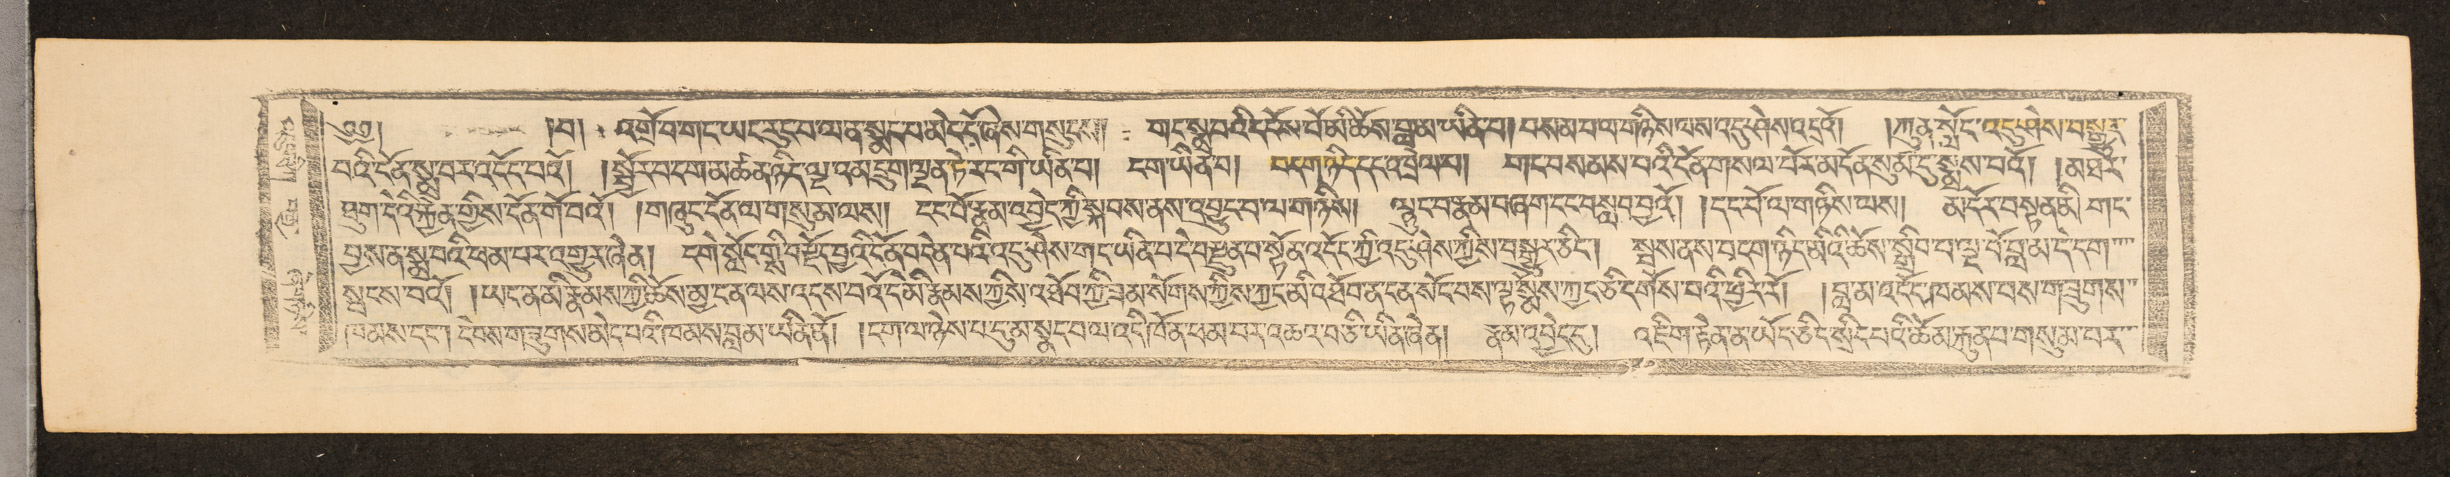༄༅། །པ༑ འགྲོ་བ་གང་ཡང་རུང་བ་ལ་ན་སྨད་པ་མེད་དོ་ཞེས་གསུངས། གང་སྨྲ་བའི་དངོས་པོ་མི་ཆོས་བླ་མ་ཡིན་པ། བསམ་པ་ལ་གཉིས་ལས་འདུ་ཤེས་འདྲའོ། །ཀུན་སློང་འདུ་ཤེས་བསྒྱུར་
པའི་དོན་སྨྲ་བར་འདོད་པའོ། །སྦྱོར་བ་ངག་མཚན་ཉིད་ལྔའམ་དྲུག་ལྡན་ཏེ་རང་གི་ཡིན་པ། ངག་ཡིན་པ། བདག་ཉིད་དང་འབྲེལ་པ། གང་བསམས་པའི་དོན་གསལ་པོར་མངོན་སུམ་དུ་སྨྲས་པའོ། །མཐར་
ཐུག་དེའི་རྐྱེན་གྱིས་དོན་གོ་བའོ། །གཞུང་དོན་ལ་གསུམ་ལས། དང་པོ་རྣམ་འབྱེད་ཀྱི་སྐབས་ནས་འབྱུང་བ་ལ་གཉིས། ལྟུང་བ་རྣམ་བཞག་དང་བསླབ་བྱའོ། །དང་པོ་ལ་གཉིས་ལས། མདོར་བསྟན་ནི། གང་
བྱས་ན་སྨྲ་བའི་ཕམ་པར་འགྱུར་ཞེ་ན། དགེ་སློང་གིས་བརྗོད་བྱའི་དོན་བདེན་པའི་འདུ་ཤེས་གང་ཡིན་པ་དེ་བརྫུན་པ་སྟོན་འདོད་ཀྱི་འདུ་ཤེས་ཀྱིས་བསྒྱུར་ཅིང་། སྦས་ནས་བདག་ཉིད་མིའི་ཆོས་སྒྲིབ་པ་ལྔ་པོ་བླ་མ་དེ་དག་
སྤངས་པའོ། །ཡང་ན་མི་རྣམས་ཀྱི་ཆོས་མྱ་ངན་ལས་འདས་པའོ་དེ་མི་རྣམས་ཀྱིས་འཐོབ་ཀྱི་ཟ་མ་སོགས་ཀྱིས་ཀྱང་མི་འཐོབ་ན་ངན་སོང་བས་ལྟ་སྨོས་ཀྱང་ཅི་དགོས་པའི་ཕྱིར་རོ། །བླ་མ་འདོད་ཁམས་བས་གཟུགས་
ཁམས་དང་། དེ་བས་གཟུགས་མེད་པའི་ཁམས་བླ་མ་ཡིན་ནོ། །དག་ལ་ཉེས་པ་དུ་མ་སྣང་བ་ལ་འདི་ཁོ་ན་ཕམ་པར་འཆའ་བ་ཅི་ཡིན་ཞེ་ན། རྣམ་འབྱེད་དུ། འཇིག་རྟེན་ན་ཡོད་ཅིང་སྲིད་པའི་ཆོམ་རྐུན་པ་གསུམ་པར་